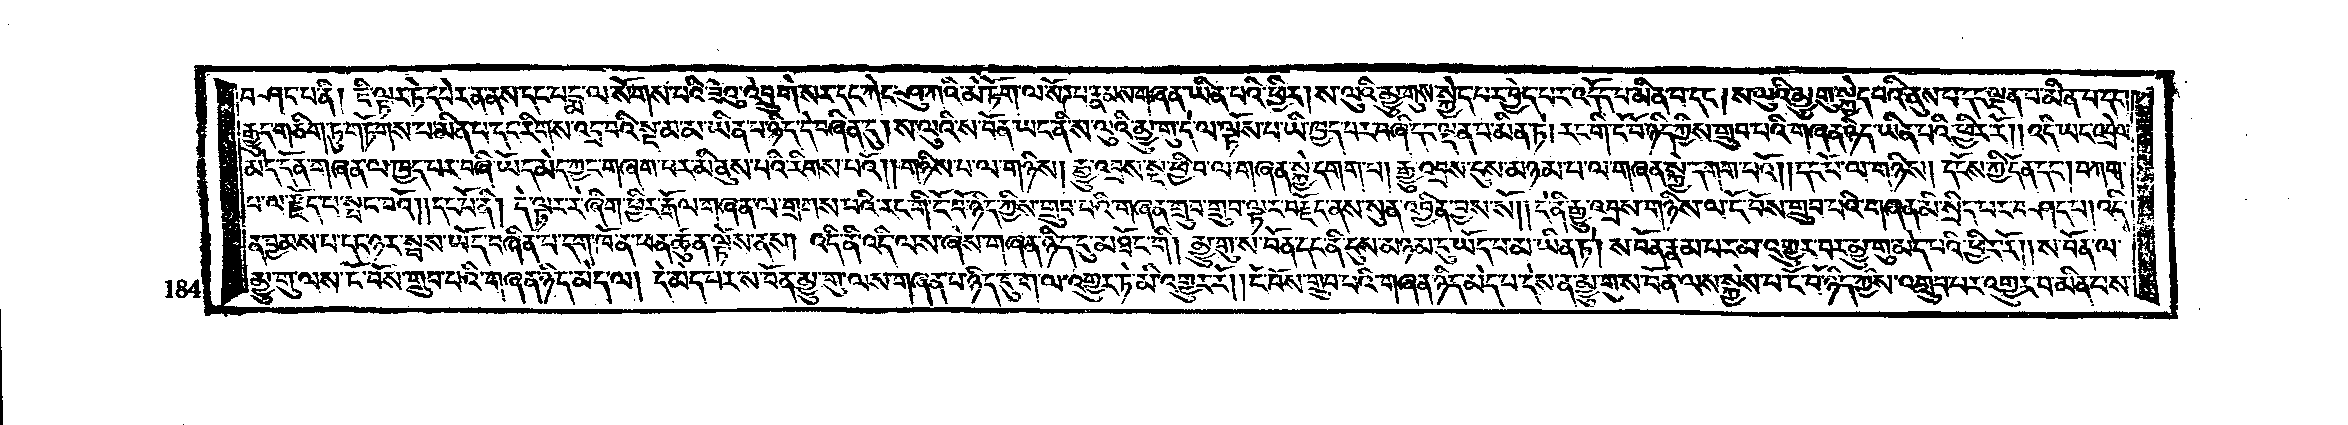བཤད་པ་ནི། ཇི་ལྟར་ཏེ་དཔེར་ན་ནས་དང་པདམ་ལ་སོགས་པའི་ཟེའུ་འབྲུ་གེ་སར་དང་ཀེང་ཤུ་ཀའི་མེ་ཏོག་ལ་སོགས་པ་རྣམས་གཞན་ཡིན་པའི་ཕྱིར། ས་ལུའི་མྱུ་གུས་སྐྱེད་པར་བྱེད་པར་འདོད་པ་མིན་པ་དང་། ས་ལུའི་མྱུ་གུ་སྐྱེད་བའི་ནུས་པ་དང་ལྡན་པ་མིན་པ་དང་།
རྒྱུད་གཅིག་ཏུ་གཏོགས་པ་མིན་པ་དང་རིགས་འདྲ་བའི་སྔ་མ་མ་ཡིན་པ་ཉིད་དེ་བཞིན་དུ། ས་ལུའི་ས་བོན་ཡང་ནི་ས་ལུའི་མྱུ་གུ་དེ་ལ་ལྟོས་པ་ཡི་ཁྱད་པར་བཞི་དང་ལྡན་པ་མིན་ཏེ། རང་གི་ངོ་བོ་ཉིད་ཀྱིས་གྲུབ་པའི་གཞན་ཉིད་ཡིན་པའི་ཕྱིར་རོ། །འདི་ཡང་འབྲེལ་
མེད་དོན་གཞན་ལ་ཁྱད་པར་བཞི་ཡོད་མེད་ཀྱང་གཞག་པར་མི་ནུས་པའི་རིགས་པའོ། །གཉིས་པ་ལ་གཉིས། རྒྱུ་འབྲས་སྔ་ཕྱི་བ་ལ་གཞན་སྐྱེ་དགག་པ། རྒྱུ་འབྲས་དུས་མཉམ་པ་ལ་གཞན་སྐྱེ་དགག་པའོ། །དང་པོ་ལ་གཉིས། དངོས་ཀྱི་དོན་དང་། བཀག་
པ་ལ་རྩོད་པ་སྤང་བའོ། །དང་པོ་ནི། དེ་ལྟར་རེ་ཞིག་ཕྱིར་རྒོལ་གཞན་ལ་གྲགས་པའི་རང་གི་ངོ་བོ་ཉིད་ཀྱིས་གྲུབ་པའི་གཞན་གྲུབ་གྲུབ་ལྟར་བརྗོད་ནས་སུན་འབྱིན་བྱས་སོ། །དེ་ནི་རྒྱུ་འབྲས་གཉིས་ལ་ངོ་བོས་གྲུབ་པའི་གཞན་མི་སྲིད་པར་བཤད་པ། འདི་
ན་བྱམས་པ་དང་ཉེར་སྦས་ཡོད་བཞིན་པ་དག་ཁོ་ན་ཕན་ཚུན་ལྟོས་ནས། འདི་ནི་འདི་ལས་ཞེས་གཞན་ཉིད་དུ་མཐོང་གི །མྱུ་གུ་ས་བོན་དང་ནི་དུས་མཉམ་དུ་ཡོད་པ་མ་ཡིན་ཏེ། ས་བོན་རྣམ་པར་མ་འགྱུར་བར་མྱུ་གུ་མེད་པའི་ཕྱིར་རོ། །ས་བོན་ལ་
མྱུ་གུ་ལས་ངོ་བོས་གྲུབ་པའི་གཞན་ཉིད་མེད་ལ། དེ་མེད་པར་ས་བོན་མྱུ་གུ་ལས་གཞན་པ་ཉིད་དུ་ག་ལ་འགྱུར་ཏེ་མི་འགྱུར་རོ། །ངོ་བོས་གྲུབ་པའི་གཞན་ཉིད་མེད་པ་དེས་ན་མྱུ་གུ་ས་བོན་ལས་སྐྱེས་པ་ངོ་བོ་ཉིད་ཀྱིས་འགྲུབ་པར་འགྱུར་བ་མིན་པས་